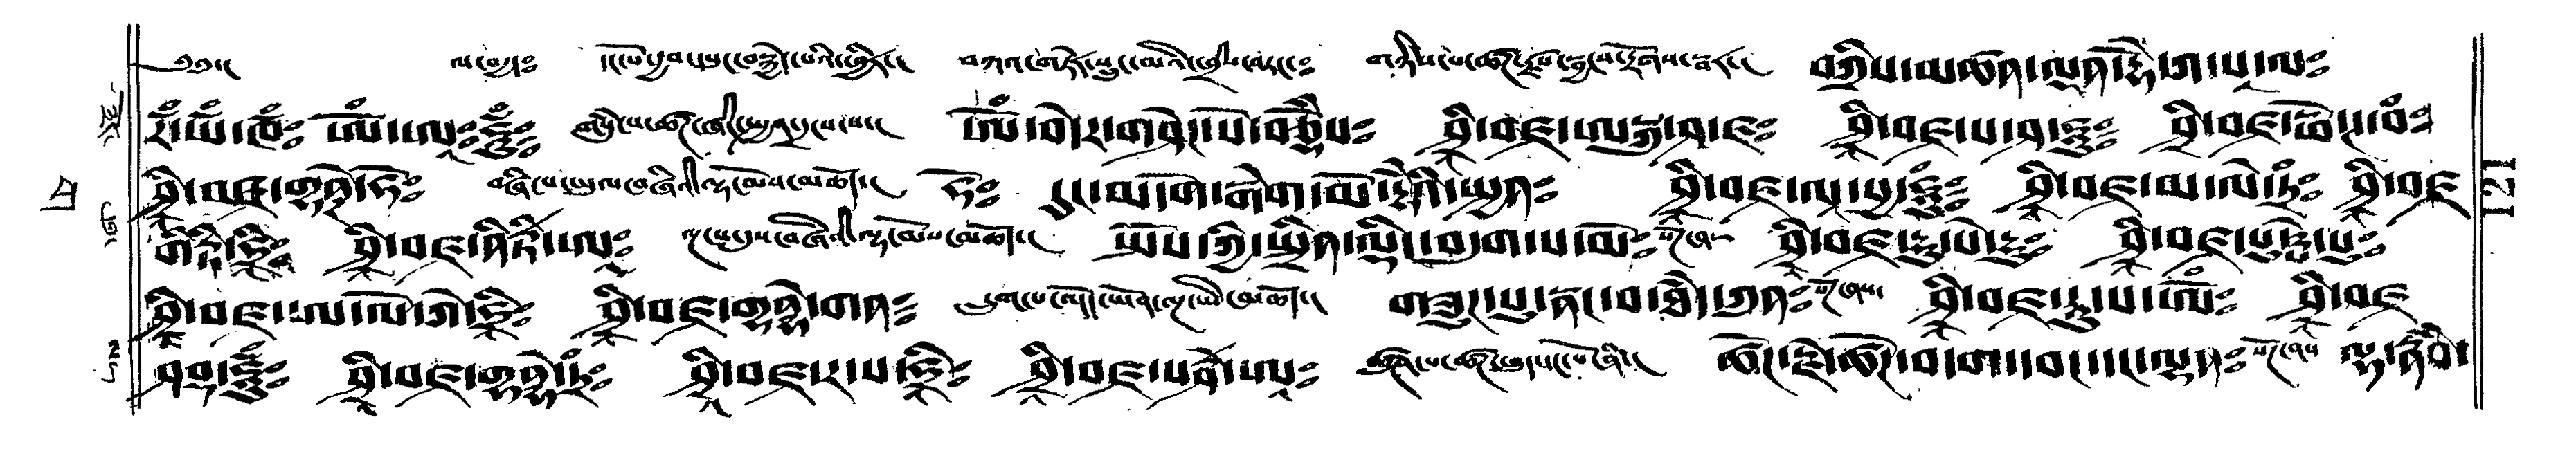ལ་བརྒྱད། །དང་པོ་རྒྱབ་དཔུང་བསྐྱེད་པའི་ཕྱིར། །བཀའ་གཏེར་སྲུང་མའི་ཕྲིན་ལས་བཏང༔ གཉིས་པ་ཚོགས་རྫས་སྦྱངས་རྟོགས་སྦར། བཀྲ་ཤིས་མཚན་ལྡན་རྡོ་རྗེ་ཀ་པ་ལ༔ 
རྃ་ཡྃ་ཁྃ༔ ཨོཾ་ཨཱཿཧཱུྃ༔ གསུམ་པ་ཚོགས་ཞིང་སྤྱན་དྲངས་པ། ཨོཾ་བདེ་བར་གཤེགས་པ་བཅོམ་ལྡན་འདས༔ སོགས་ནས། ཤྲཱི་བཛྲ་ཨངྐུ་ཤ་ཛ༔ ཤྲཱི་བཛྲ་པ་ཤ་ཧྃའུ༔ ཤྲཱི་བཛྲ་སྥོ་ཊ་བཾ༔ 
ཤྲཱི་བཛྲ་གྷནྜེ་ཧོ༔ བཞི་པ་ཡུལ་བཞིའི་ལྷ་མོས་མཆོད། ཧོ༔ དུང་མདོག་སྒེག་མོ་རྡོ་རྗེའི་སྤྱན༔ སོགས་ནས། ཤྲཱི་བཛྲ་ལཱ་སྱ་ཧཱུཾ༔ ཤྲཱི་བཛྲ་མ་ལེ་ཏྲཾ༔ ཤྲཱི་བཛྲ་
གརྟི་ཧྲཱི༔ ཤྲཱི་བཛྲ་ནིརྟི་ཨཱ༔ ལྔ་པ་དུས་བཞིའི་ལྷ་མོས་མཆོད། སྤོས་ཀྱི་སྤྲིན་ལྡིང་བདུག་པ་མོ༔ སོགས་ནས། ཤྲཱི་བཛྲ་དྷུ་པེ་དྷུ༔ ཤྲཱི་བཛྲ་པུཥྤེ་པུ༔ 
ཤྲཱི་བཛྲ་ཨ་ལོ་ཀེ་ཧྲཱི༔ ཤྲཱི་བཛྲ་གྷནྡྷེ་གྷན༔ དྲུག་པ་འདོད་ཡོན་ལྔ་ཡིས་མཆོད། གཟུགས་སུ་སྣང་བ་ཐམས་ཅད་ཀུན༔ སོགས་ནས། ཤྲཱི་བཛྲ་རུ་པ་ཨོཾ༔ ཤྲཱི་བཛྲ་
ཤབྡ་ཧཱུྃ༔ ཤྲཱི་བཛྲ་གྷནྡྷེ་ཏྲཾ༔ ཤྲཱི་བཛྲ་ར་ས་ཧྲཱི༔ ཤྲཱི་བཛྲ་པརྴེ་ཨཱཿ བདུན་པ་ཚོགས་ཕུད་དང་པོ་ནི། ཚོགས་རྗེ་ཚོགས་བདག་དབང་དང་ལྡན༔ སོགས་ནས། ལྷ་རྣམས་